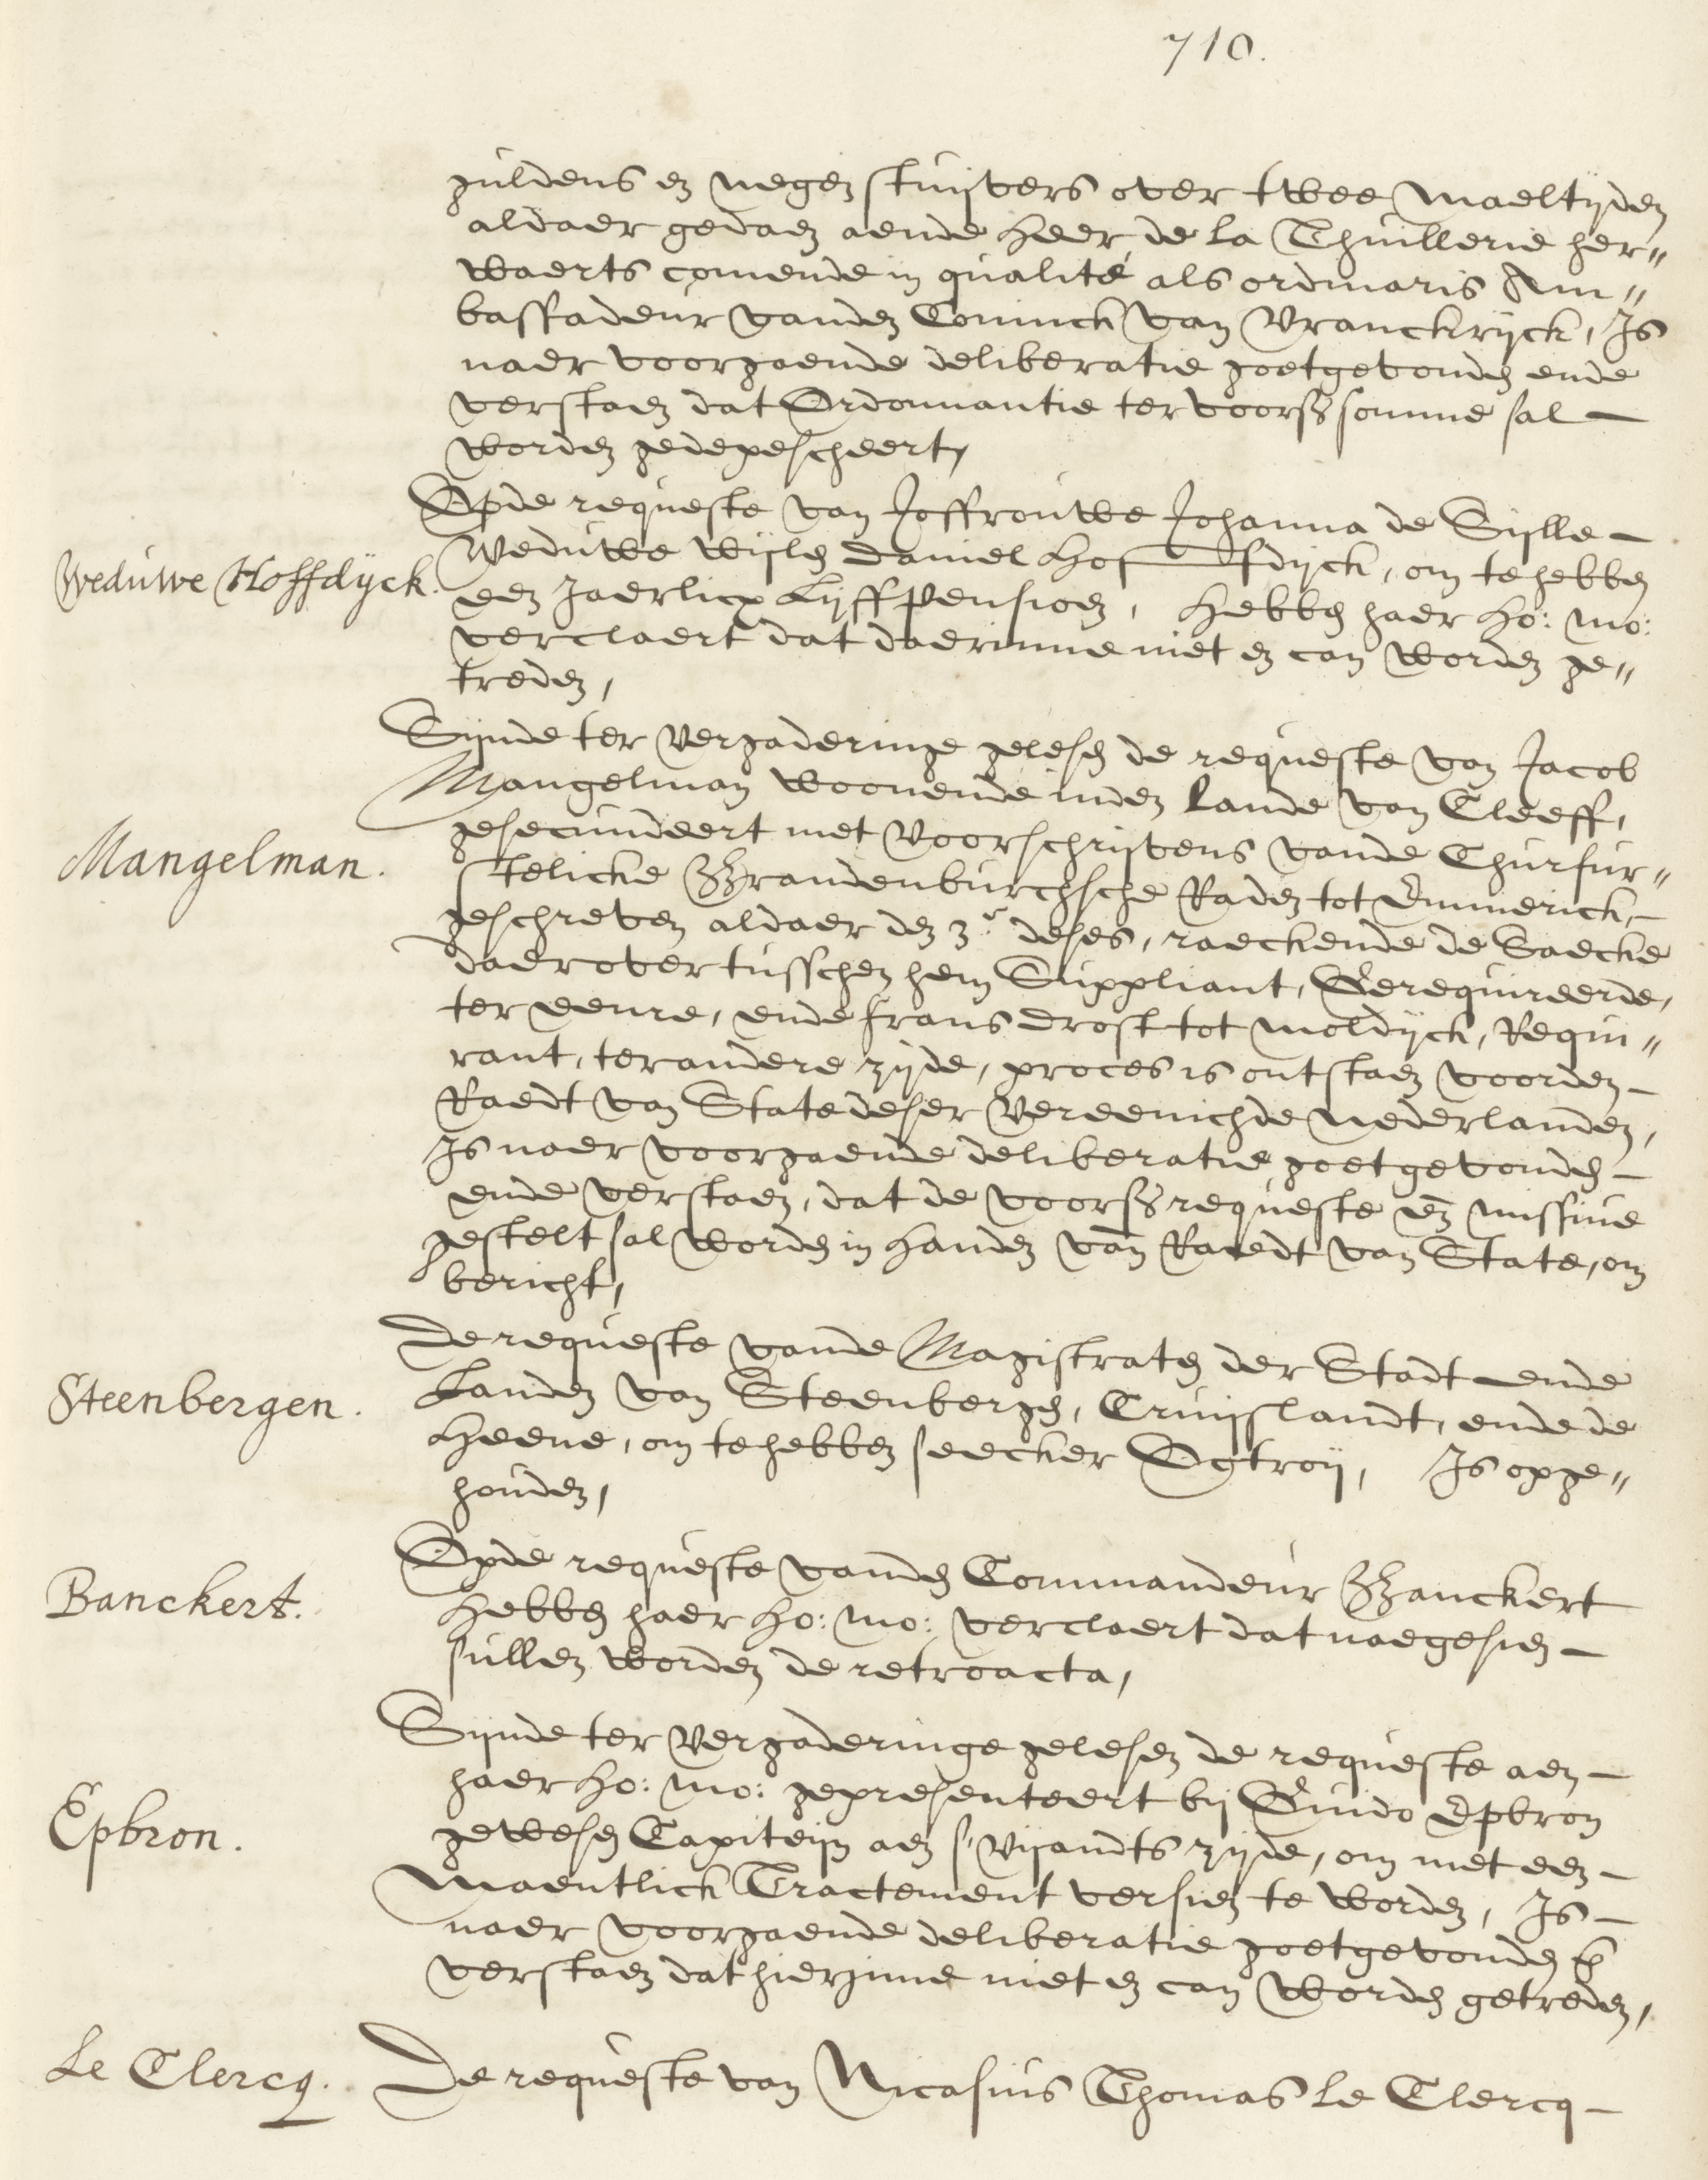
710.
guldens en negen stuijvers over twee maeltijden
aldaer gedaen aende heer de la Thuillerie her„
waerts comende in qualité als ordinaris Am„
bassadeur vanden Coninck van Vranckrijck, Is
naer voorgaende deliberatie goetgevonden ende
verstaen dat Ordonnantie ter voors somme sal
worden gedepescheert.
Weduwe Hoffdijck.
Opde requeste van Joffrouwe Johanna de Sijlle-
Weduwe wijlen Daniel Hoffdijck, om te hebben
een Jaerlicx Lijffpensioen, hebben haer Ho:Mo:
verclaert dat daerinne niet en can worden ge„
treden.
Mangelman.
Sijnde ter Vergaderinge gelesen de requeste van Jacob
Mangelman woonende inden Lande van Cleeff,
gesecundeert met Voorschrijvens vande Churfur„
stelicke Brandenburchsche Raden tot Emmerick-
geschreven aldaer den 3e. deses, raeckende de Saecke
daerover tusschen hem Suppliant, Gerequireerde,
ter eenre, ende frans Drost tot Moldijck, Requi„
rant, ter andere zijde, proces is ontstaen voorden
Raedt van State deser Vereenichde Nederlanden.
Is naer voorgaende deliberatie goetgevonden
ende verstaen, dat de voors requeste en missive
gestelt sal worden in handen van Raedt van State, om
bericht
Steenbergen
De requeste vande Magistraten der Stadt ende
Landen van Steenbergen, Cruijslandt, ende de
Heene, om te hebben seecker Octroij, Is opge„
houden.
Banckert.
Opde requeste vanden Commandeur Banckert
hebben haer Ho:Mo: verclaert dat naegesien
sullen worden de retroacta.
Epbron
Sijnde ter Vergaderinge gelesen de requeste aen
haer Ho:Mo: gepresenteert bij Guido Epbron
gewesen Capiteijn aen s‛Vijandts zijde, om met een
Maentlick Tractement versien te worden. Is
naer voorgaende deliberatie goetgevonden &
verstaen dat hierinne niet en can worden getreden.
Le Clercq.
De requeste van Nicasius Thomas le Clercq -
